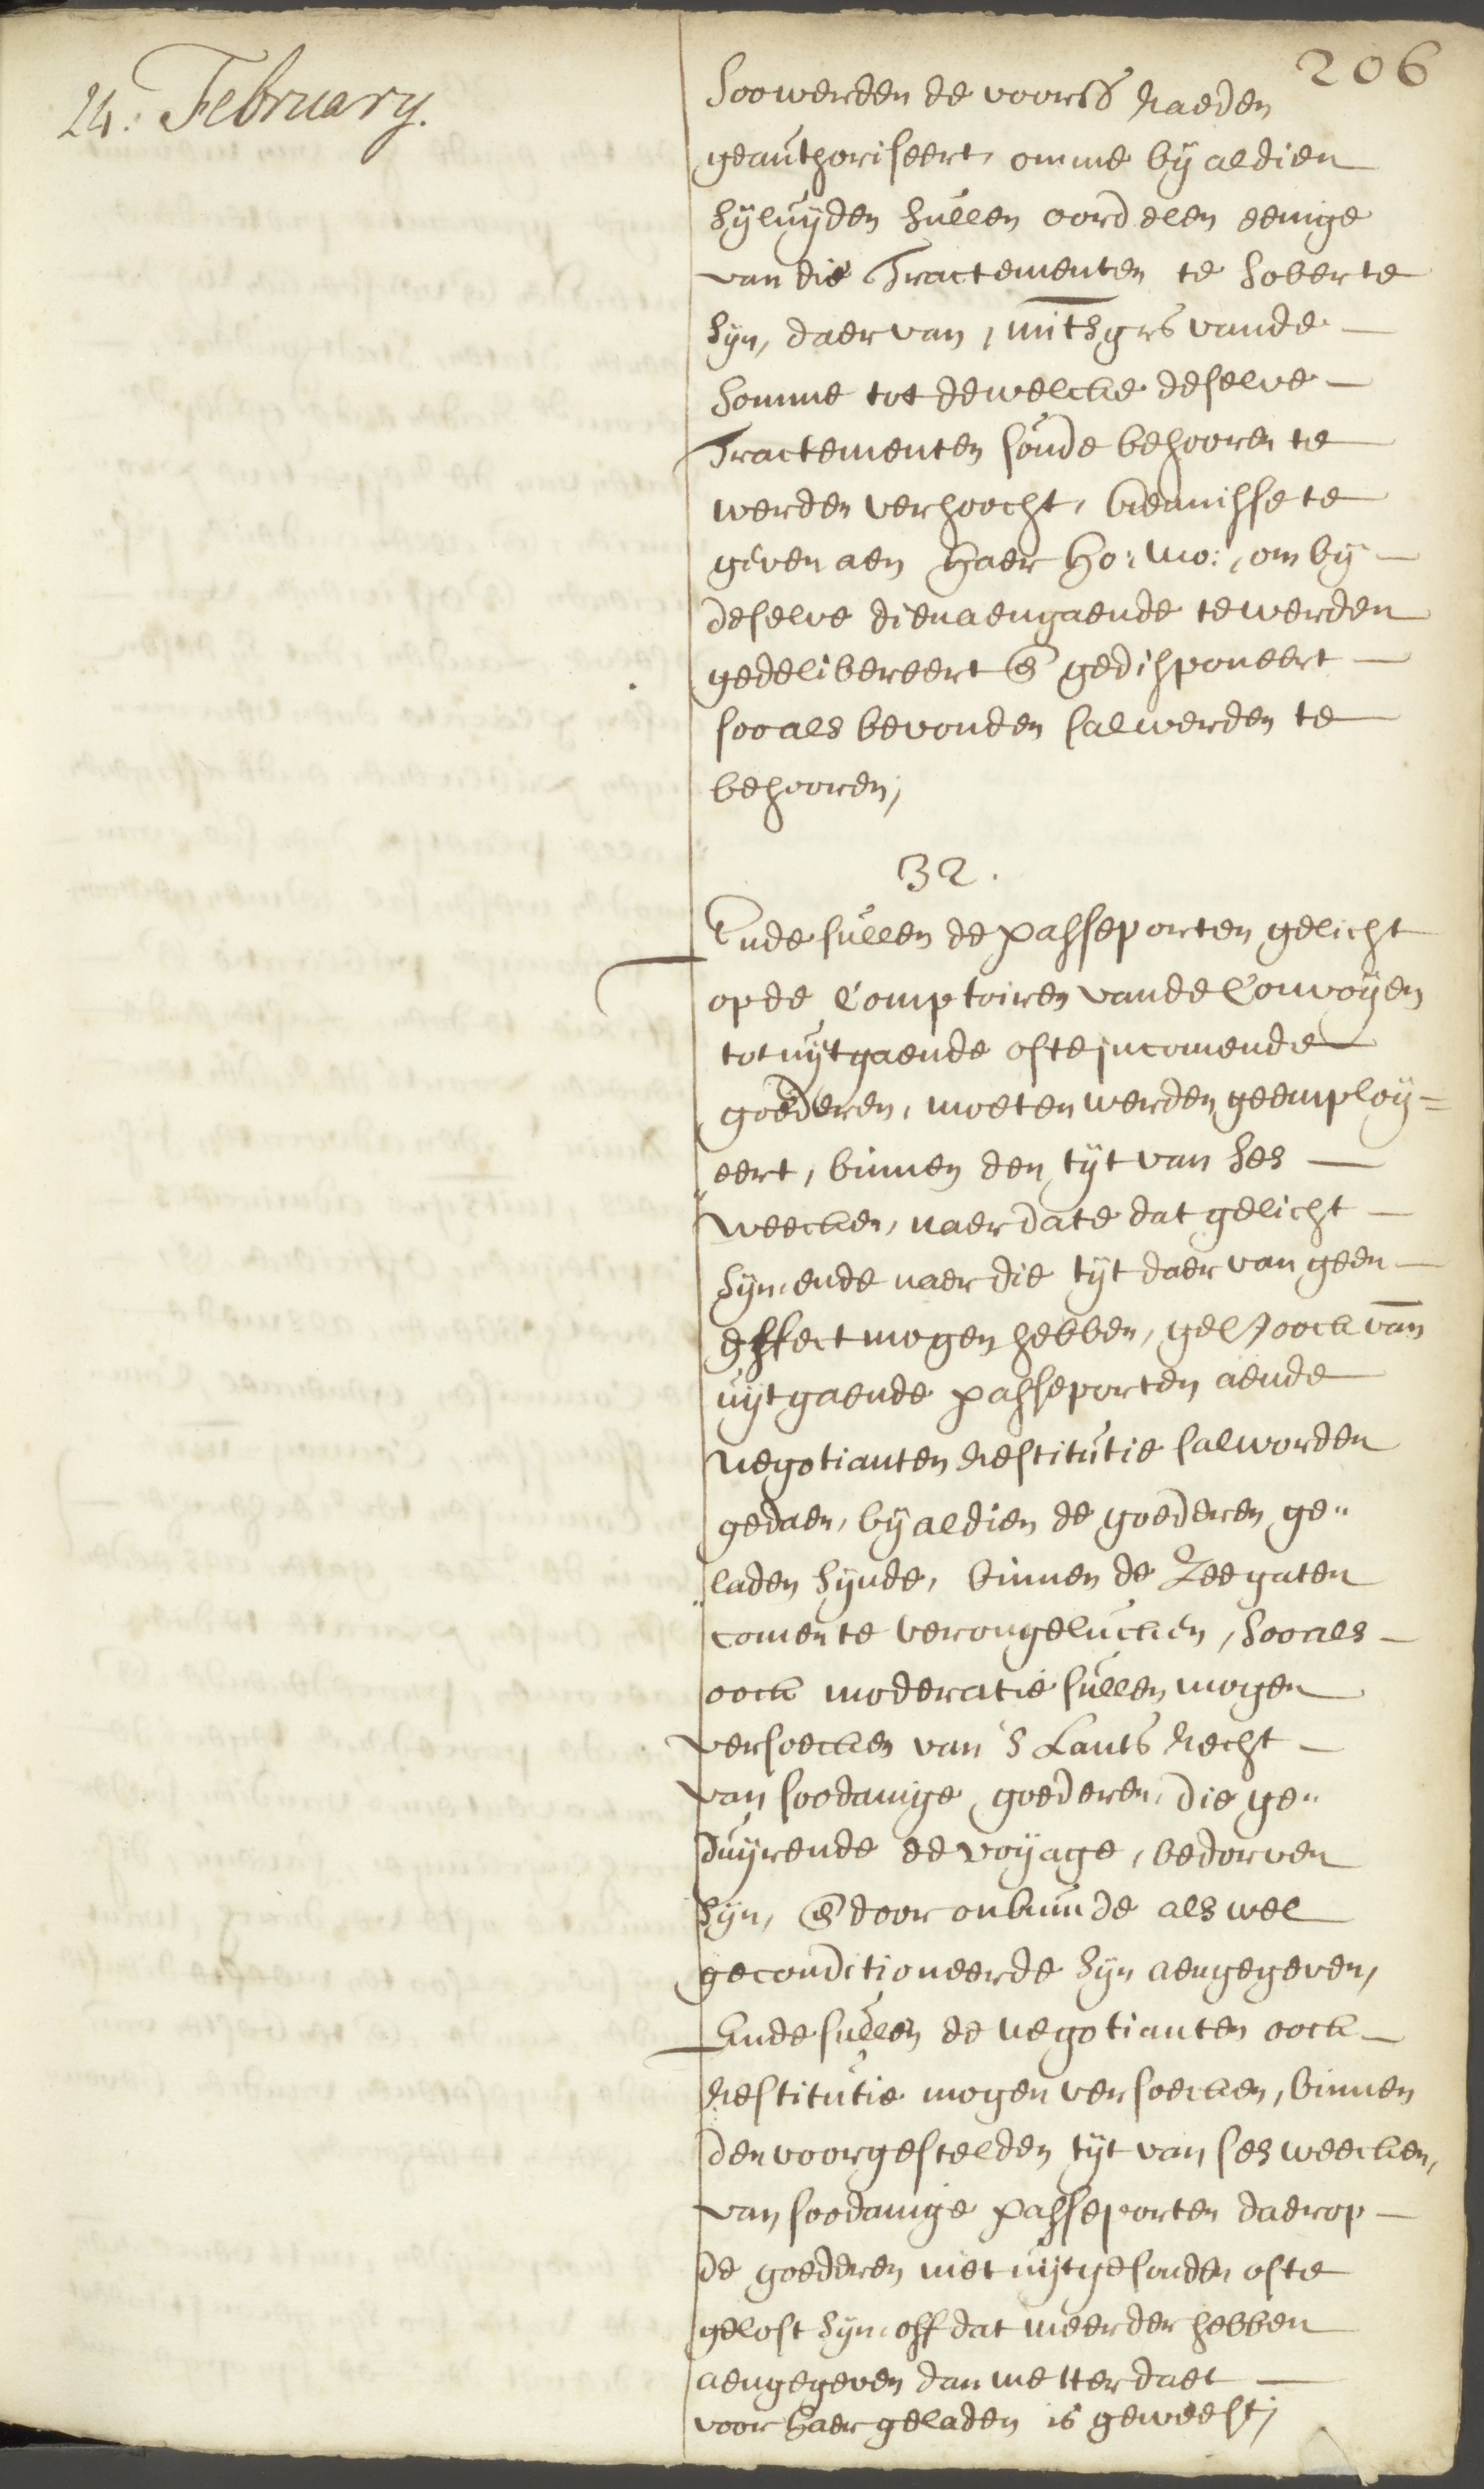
206
24. February.
Soo werden de voors raeden
geauthoriseert, omme bij aldien
sijluijden sullen oordelen eenige
van die Tractementen te sober te
sijn, daervan, mitsgrs vande
somme tot dewelcke deselve
Tractementen soude behooren te
werden verhoocht, kennisse te
geven aen haer Ho:Mo:, om bij
deselve dienaengaende te werden
gedelibereert & gedisponeert
sooals bevonden sal werden te
behooren.
32.
Ende sullen de passeporten gelicht
opde Comptoiren vande Convoijen
tot uijtgaende ofte incomende
goederen, moeten werden geemploij=
„eert, binnen den tijt van Ses —
weecken, naer date dat gelicht —
sijn, ende naer die tijt daer van geen —
Effect mogen hebben, gel oock van
uijtgaende passeporten aende
negotianten restitutie sal worden
gedaen, bij aldien de goederen ge„
„laden sijnde, binnen de Zeegaten
comen te verongelucken, Sooals —
oock moderatie sullen mogen
versoecken van ‛s Lants recht —
van soodanige goederen, die ge„
duijrende de voijage, bedorven
sijn, & door onkunde als wel
geconditioneeerde sijn aengegeven,
Ende sullen de negotianten oock —
restitutie mogen versoecken, binnen
den voorgestelden tijt van ses weecken,
van soodanige passeporten daerop —
de goederen niet uijtgesonden, ofte
gelost sijn, off dat meerder hebben
aengegeven dan metterdaet —
voor haer geladen is geweest.
